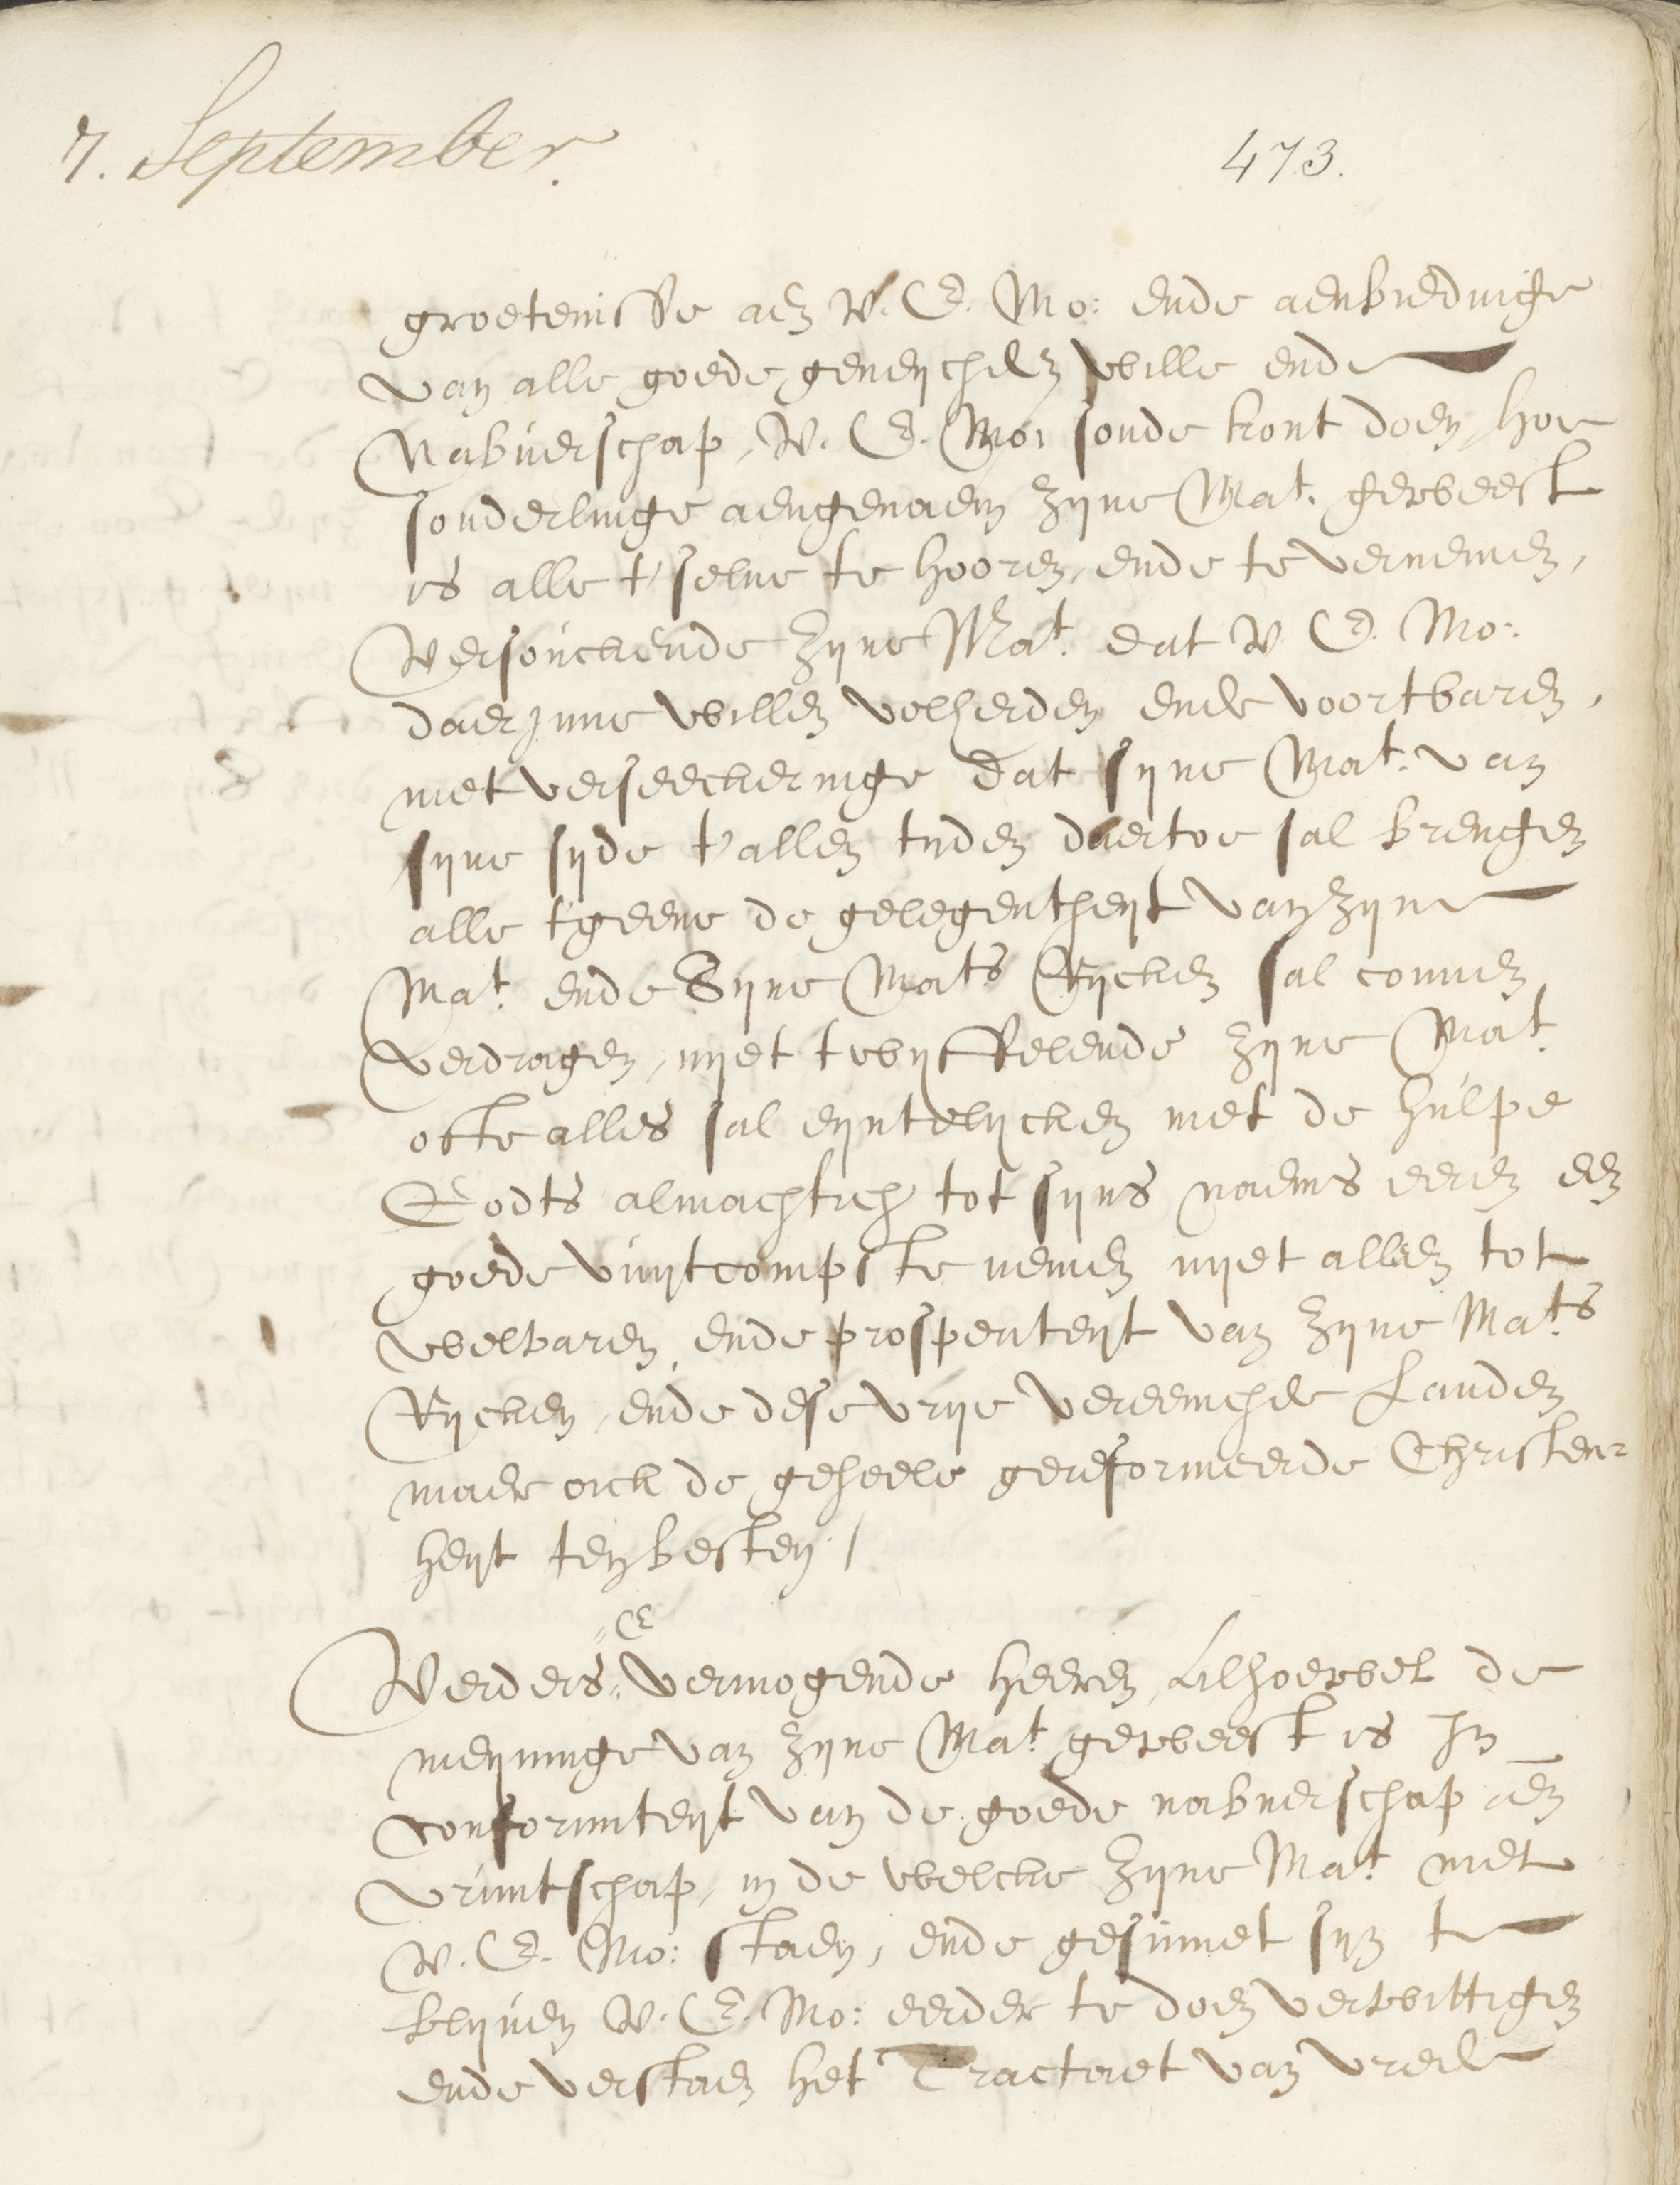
473.
7. September
groetenisse aen u. E. Mo: ende aenbiedinge
van alle goede geneychden wille ende
Nabuerschap, u. E. Mo: soude kont doen, hoe
sonderlinge aengenaem zyne Mat. geweest
is alle t'selue te hooren, ende te vernemen,
versouckende zyne Mat. dat u. E. Mo:
daerinne willen volherden ende voortbaren,
met verseeckeringe dat syne Mat. van
syne syde t'allen tyden daertoe sal brengen
alle t'geene de gelegentheyt van zyne
Mat. ende Syne mats Rycken sal connen
verdragen, nyet twyffelende zyne Mat.
ofte alles sal eyntelycken met de hulpe
Godts almachtich tot syns naems eeren een
goede vuytcompste nemen nyet alleen tot
welvaren, ende prospenteyt van zyne Mats
Rycken, ende dese vrye vereenichde Landen
maer oick de geheele gereformeerde Christen:
heyt ten besten.
,,E
Verders,, vermogende heeren, Alhoewel de
meyninge van zyne Mat. geweest is In
conformiteyt van de goede nabuerschap, en
vruntschap, in de welcke zyne Mat met
u. E. Mo: staen, ende gesinnet syn te
blyuen u. E. Mo: eerder te doen verwittigen
ende verstaen het Tractaet van vrede
